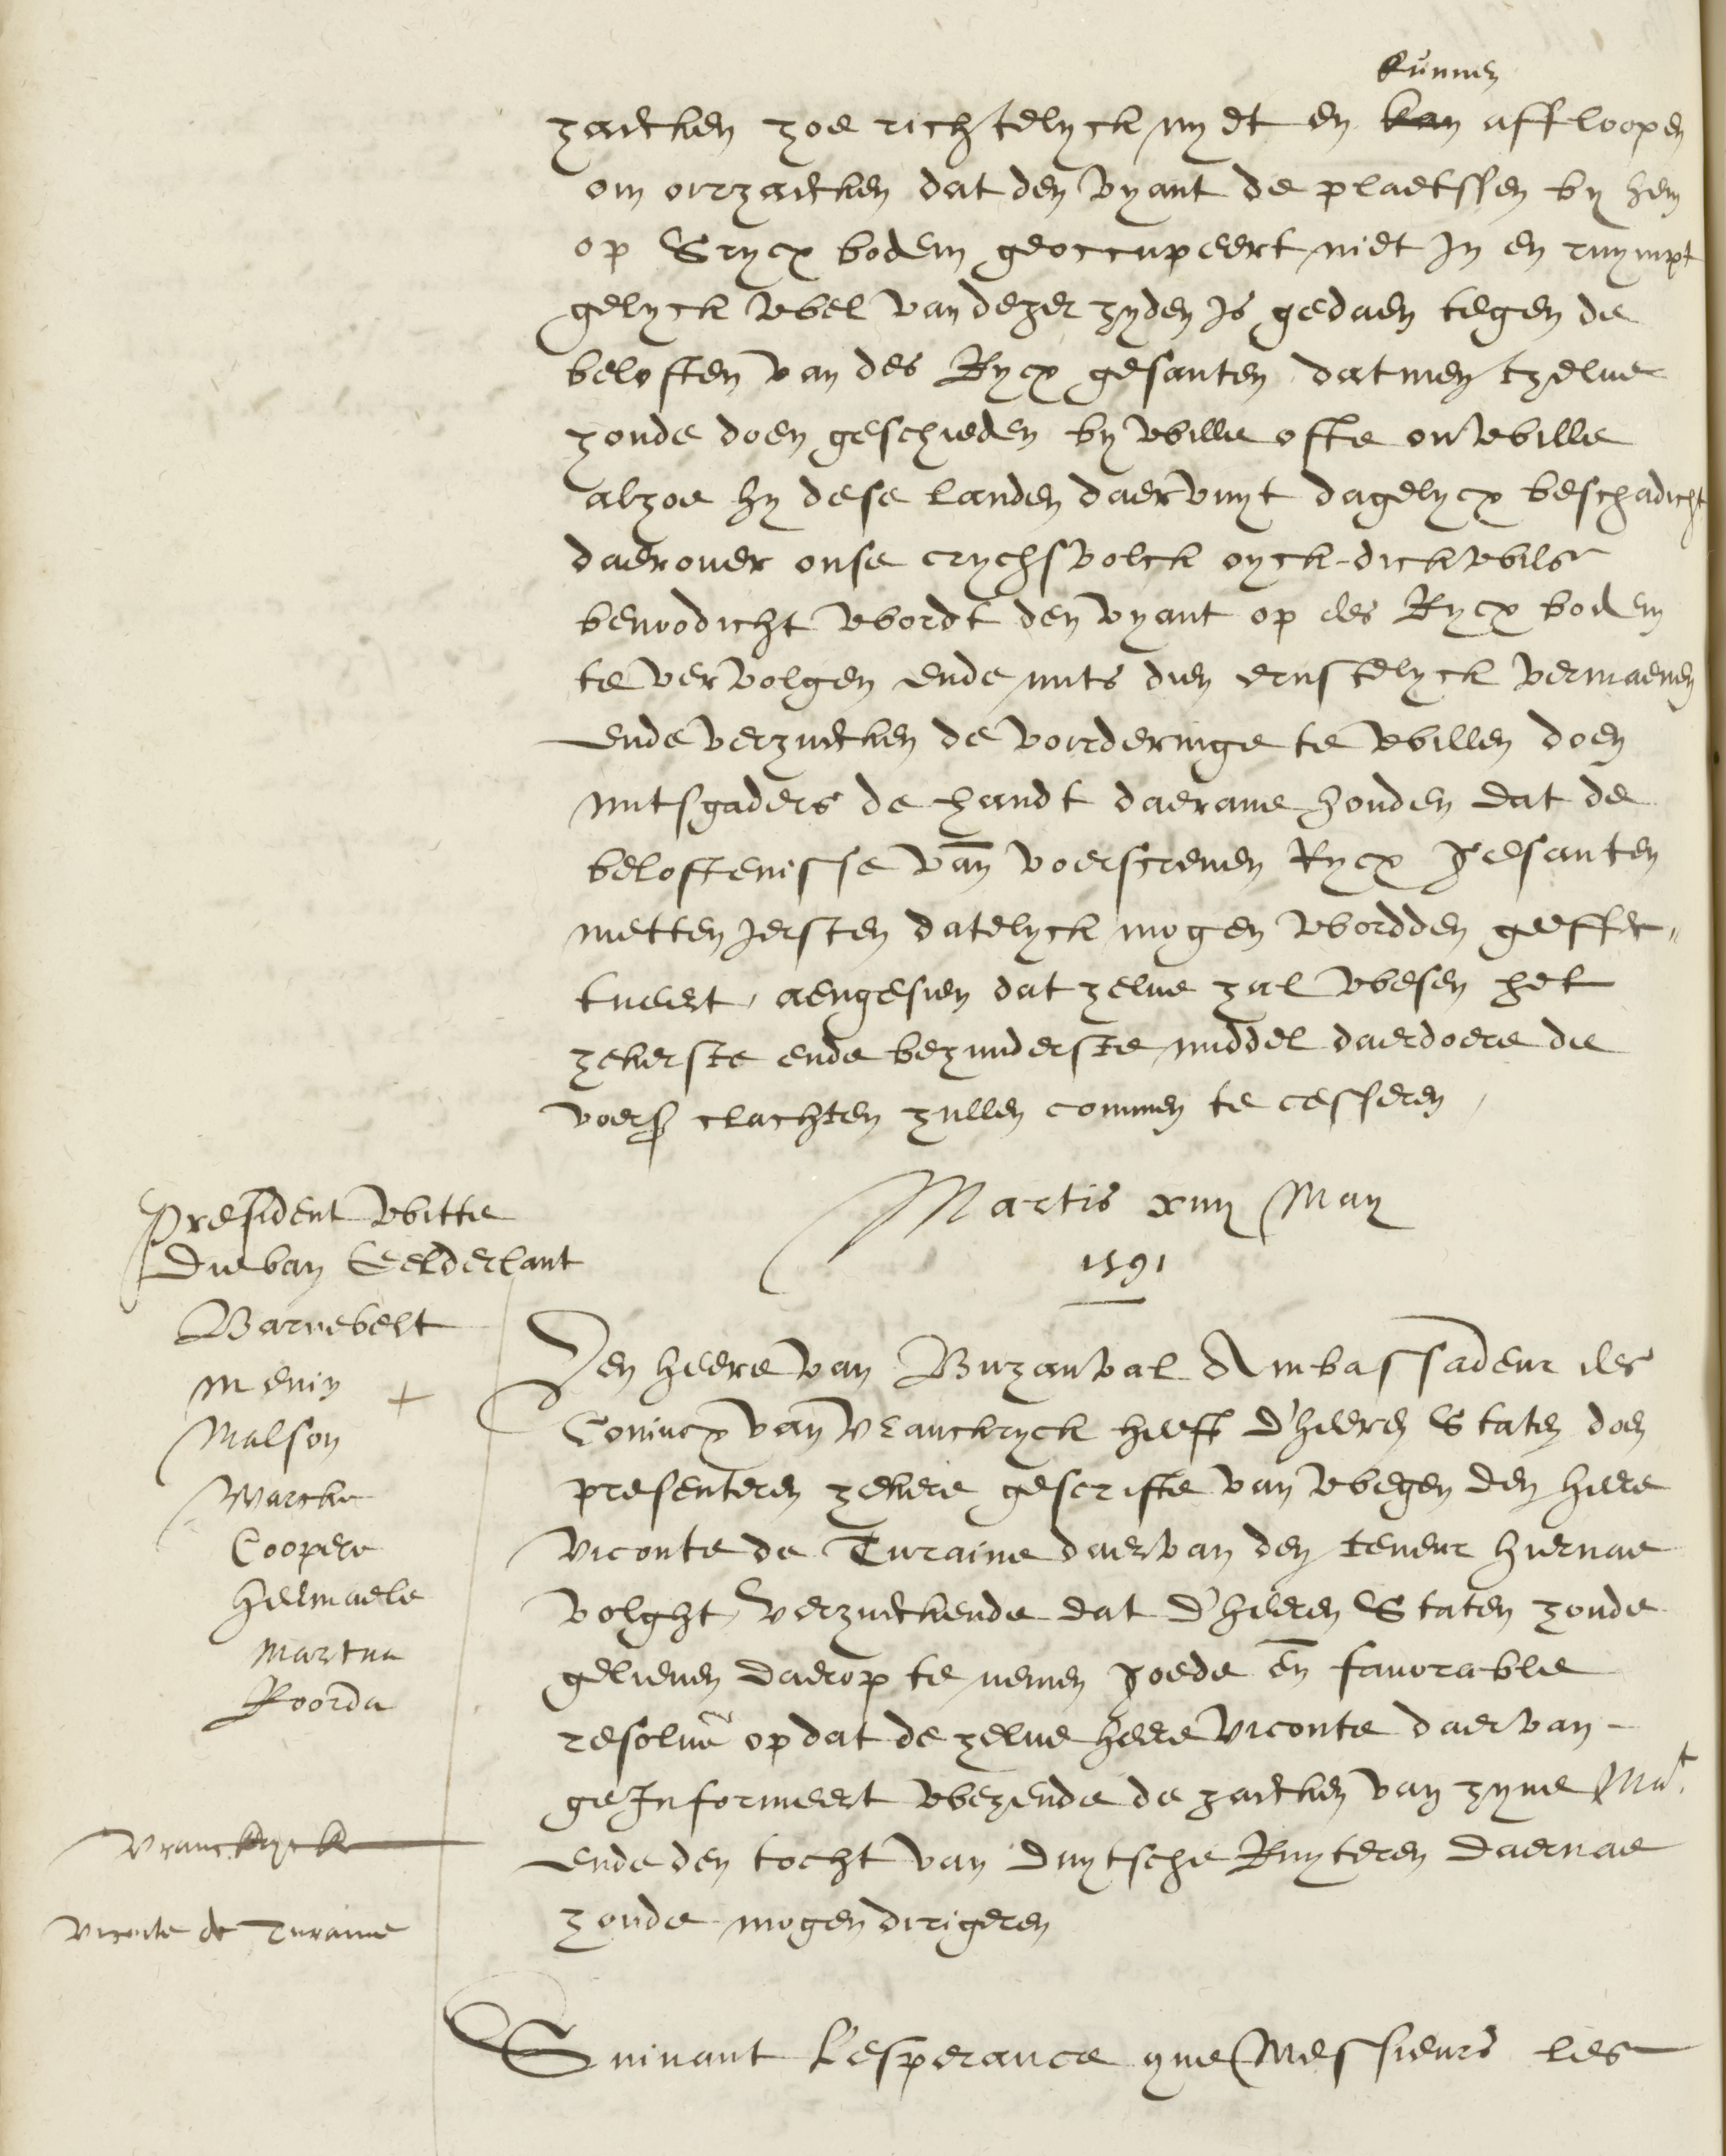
zaecken zoe richtelyck nyet en kan kunnen affloopen
om oirzaecken dat den vyant de plaetssen by hem
op Srycx bodem geoccupeert niet In en ruympt
gelyck wel van dezer zyden Is gedaen tegen de
beloften van des Rycx gesanten dat men tzelve
zoude doen geschieden by wille ofte onwille
alzoe hy dese landen daervuyt dagelycx beschadicht
daerouer onse crychsvolck oyck dickwils
benoodicht wordt den vyant op des Rycx bodem
te vervolgen ende mits dien ernstelyck vermaenen
ende verzuecken de voirderinge te willen doen
mitsgaders de handt daerane houden dat de
beloftenisse van voerscreuen Rycx gesanten
metten Iersten datelyck mogen wordden geeffec,,
tueert, aengesien dat zelue zal wesen het
zekerste ende bezunderste middel daerdoere de
voers clachten zullen commen te cesseren.
martis xiiii May
1591
President Witte
Die van Gelderlant
Barnevelt
Menin
Malson
Warcke
Coopere
Heermaele
Martna
Roorda
Den heere van Buzanval Ambassadeur des
conincx van Vranckryck heeft d'heeren Staten doen
presenteren zekere gescrifte van wegen den heere
Viconte de Turaine daervan den teneur hiernae
volght, verzueckende dat d'heeren Staten zoude
gelieuen daerop te nemen goede en fauorable
resolue op dat de zelue heere Viconte daervan -
geInformeert wezende de zaecken van zyne Mat.
ende den tocht van Duytsche Ruyteren daernae
zoude mogen dirigeren
Vranckryck
Viconte de Turaine
Suiuant L' esperance que Messieurs les
